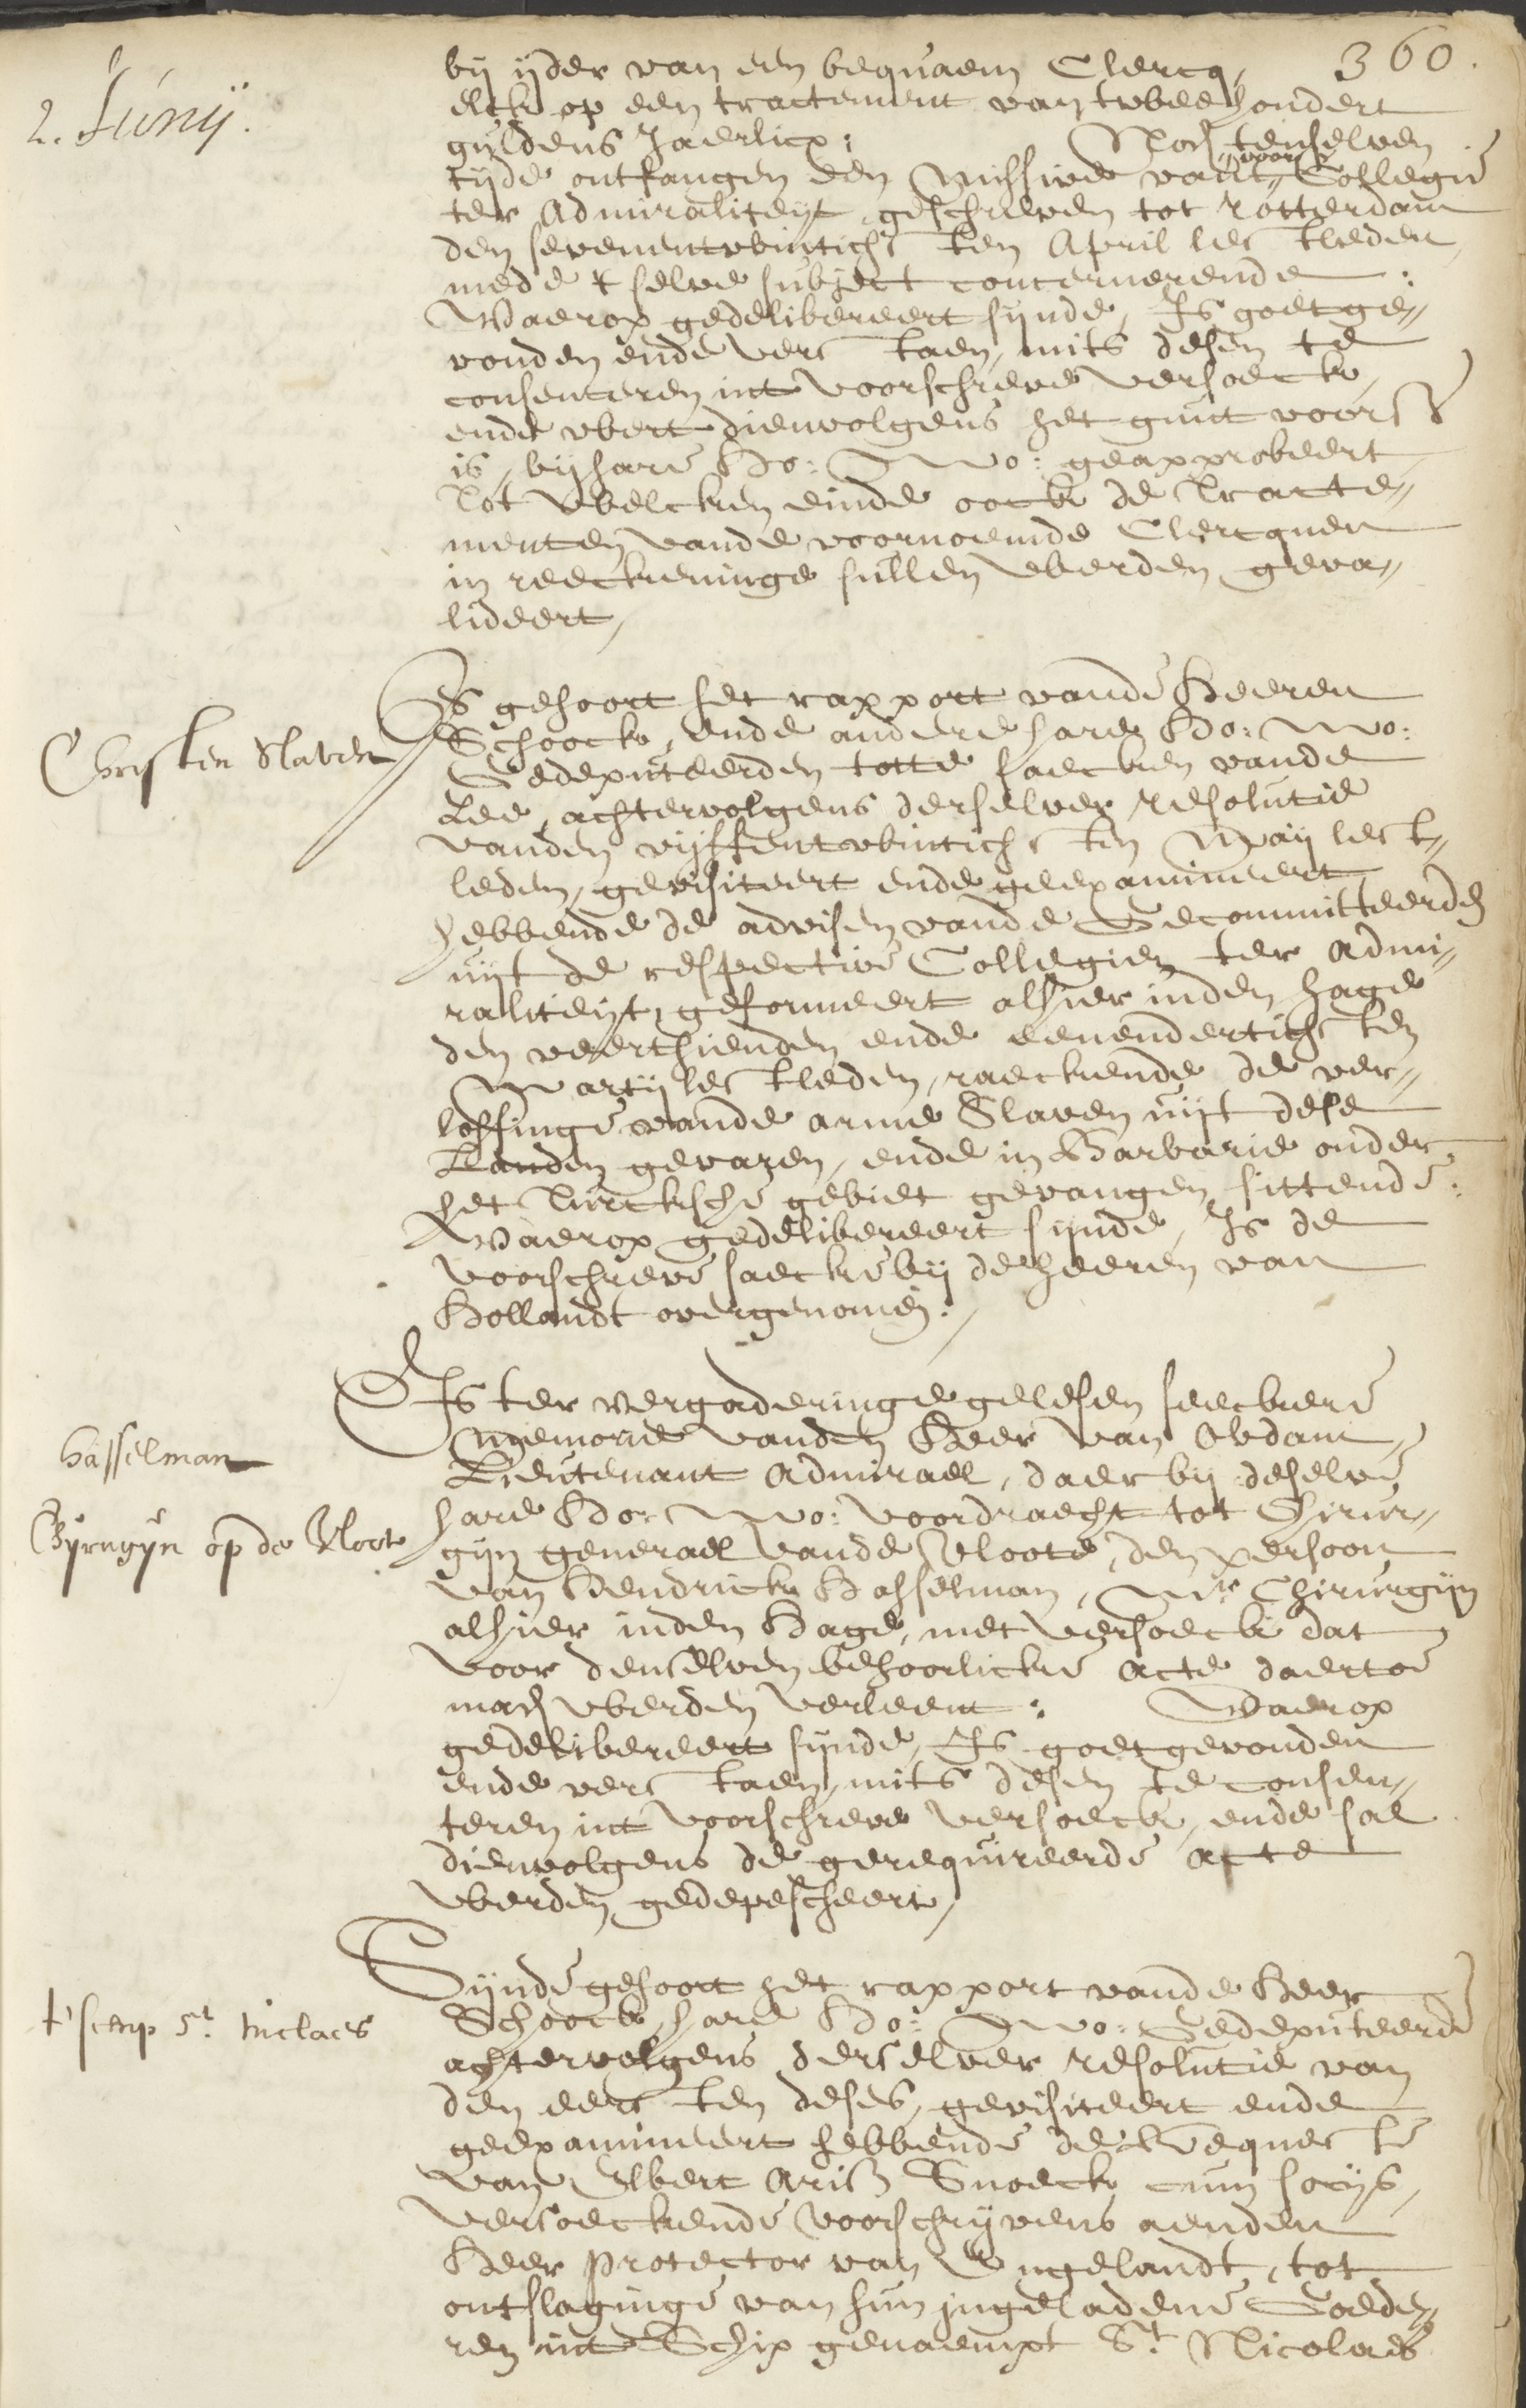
360.
2. Junij.
bij ijder van een bequaem Clercq,
elck op een tractement van tweehondert
guldens Jaerlicx: Noch tenselven
tijde ontfangen een Missive vant#voors, Collegie
ter Admiraliteijt, geschreven tot rotterdam
den sevenentwintichsten April lestleden,
mede 't selve subject concernerende:
Waerop gedelibereert sijnde, Is goetge„
vonden ende verstaen, mits desen te
consenteren int voorschreve versoeck,
ende wert dienvolgens het gunt voors
is, bij hare Ho:Mo: geapprobeert.
Tot welcken einde oock de Tracte„
menten vande voornoemde Clercquen
in reeckeninge sullen werden geva„
lideert.
Christen Slaven
Is gehoort het rapport vande Heeren
Schoock, ende andere haren Ho:Mo:
Gedeputeerden totte saecken vande
Zee, achtervolgens derselver resolutie
vanden vijffentwintichsten Maij lest„
leden, gevisiteert ende geexamineert
hebbende de advisen vande Gecommitteerden
uijt de respective Collegien ter Admi„
raliteijt, geformeert alhier inden Hage
den veerthienden ende eenendertichsten
Martij lestleden, raeckende de ver„
lossinge vande arme Slaven uijt dese
Landen gevaren, ende in Barbarie onder
het Turcksche gebiet gevangen sittende:
Waerop gedelibereert sijnde, Is de
voorschreve saecke bij de heeren van
Hollandt overgenomen.
Hasselman
Chyrugyn op de Vloote
Is ter vergaderinge gelesen seeckere
memorie vanden Heer van Obdam,
Lieutenant Admirael, daer bij deselve
hare Ho:Mo: voordraecht tot Chirur„
gijn Generael vande Vloote, den persoon
van Hendrick Hasselman, Mr. Chirurgijn
alhier inden Hage, met versoeck dat
voor denselven behoorlicke Acte daertoe
mach werden verleent: Waerop
gedelibereert sijnde, Is goetgevonden
ende verstaen, mits desen te consen„
teren int voorschreve versoeck, ende sal
dienvolgens de gerequireerde Acte
werden gedepescheert.
t' schip St. Niclaes
Sijnde gehoort het rapport vande Heer
Schoock, hare Ho:Mo: Gedeputeerde
achtervolgens derselver resolutie van
den eersten deses, gevisiteert ende
geexamineert hebbende de Requeste
van Elbert Aris Snoeck cum socijs,
versoeckende voorschijvens aenden
Heer protector van Engelandt, tot
ontslaginge van hun ingeladene Goede„
ren int Schip genaempt St. Nicolaes
